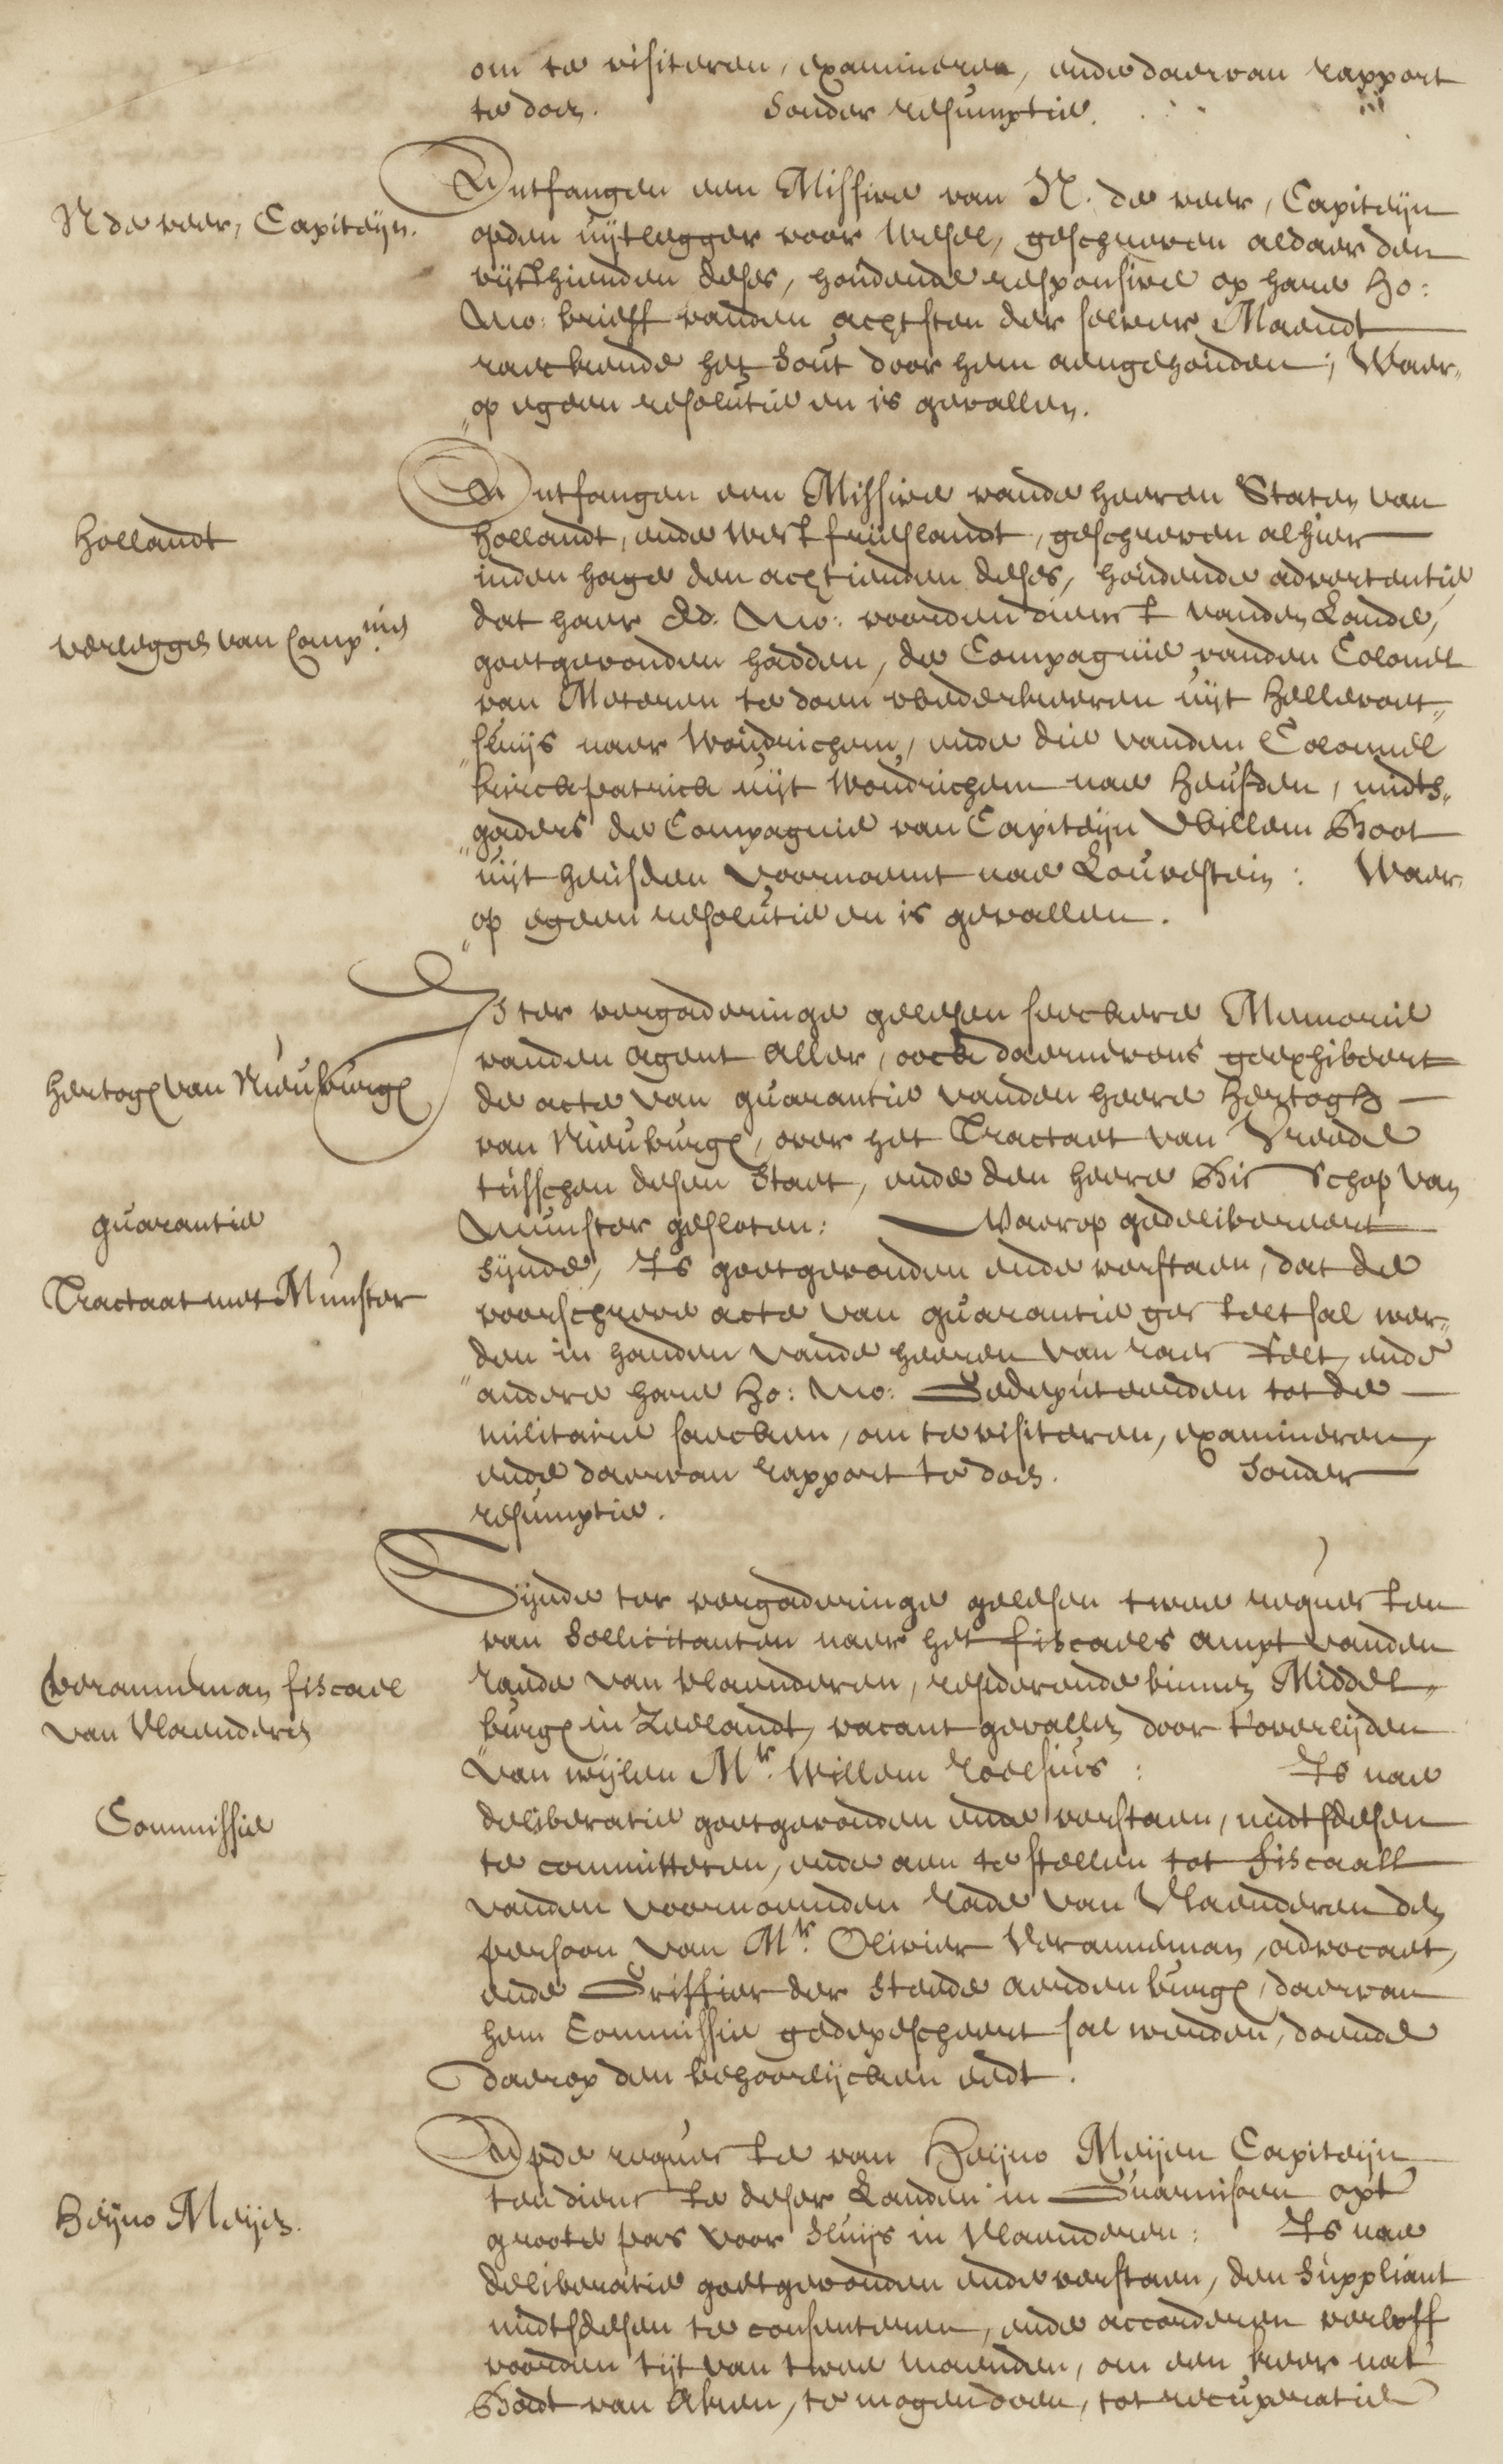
om te visiteren, examineren, ende daervan rapport
te doen. sonder resumptie.
N de veer, Capiteijn.
Ontfangen een Missive van N. de veer, Capiteijn
opden uijtlegger voor Wesel, geschreven aldaer den
vijfthienden deses, houdende responsive op hare Ho:
Mo: brieff vanden achtsten der selver Maendt
raeckende het sout door hem aengehouden; Waer„
„op egeen resolutie en is gevallen.
hollandt
verleggen van Compnien.
Ontfangen een Missive vande heeren Staten van
hollandt, ende Westfrieslandt, geschreven alhier
inden hage den achtienden deses, houdende advertentie
dat haer Ed:Mo: voorden dienst vanden Lande,
goetgevonden hadden, de Compagnie vanden Colonel
van Meteren te doen wederkeeren uijt Hellevoet„
„sluijs naer Woudrichem, ende die vanden Colonnel
Kirckpatrick uijt Woudrichem nae heusden, midts„
„gaders de Compagnie van Capiteijn Willem Boot
uijt heusden voornoemt nae Louvestein: Waer„
„op egeen resolutie en is gevallen.
hertogh van Nieuburgh
guarantie
Tractaat met Munster
Is ter vergaderinge gelesen seeckere Memorie
vanden agent Aller, oock daernevens geexhibeert
de acte van guarantie vanden heere hertogh
van Nieuburgh, over het Tractaet van Vreede
tusschen desen Staet, ende den heere Bisschop van
Munster gesloten: Waerop gedelibereert
sijnde, Is goetgevonden ende verstaen, dat de
voorschreve acte van guarantie gestelt sal wer„
„den in handen vande heeren van raesfelt, ende
andere hare Ho:Mo: Gedeputeerden tot de
militaire saecken, om te visiteren, examineren
ende daervan rapport te doen. sonder
resumptie.
veranneman fiscael
van Vlaenderen
Commissie
Sijnde ter vergaderinge gelesen twee requesten
van sollicitanten naer het fiscaels Ampt vanden
raede van vlaenderen, residerende binnen Middel„
„burgh in Zeelandt, vacant gevallen door t'overlijden
van wijlen Mr. Willem Roelsius: Is nae
deliberatie goetgevonden ende verstaen, midtsdesen
te committeren, ende aen te stellen tot fiscaall
vanden voornoemden Rade van Vlaenderen den
persoon van Mr. Olivier Veranneman, advocaet,
ende Griffier der Steede Aerdenburgh, daervan
hem Commissie gedepescheert sal werden, doende
daerop den behoorlijcken eedt.
Heijno Meijen.
Opde requeste van Heijno Meijen Capiteijn
ten dienste deser Landen in Guarnisoen opt‛
groote pas voor Sluijs in Vlaenderen: Is nae
deliberatie goetgevonden ende verstaen, den Suppliant
midtsdesen te consenteren, ende accorderen verloff
voorden tijt van twee maenden, om een keer nat'
Badt van Aken, te mogen doen, tot recuperatie
